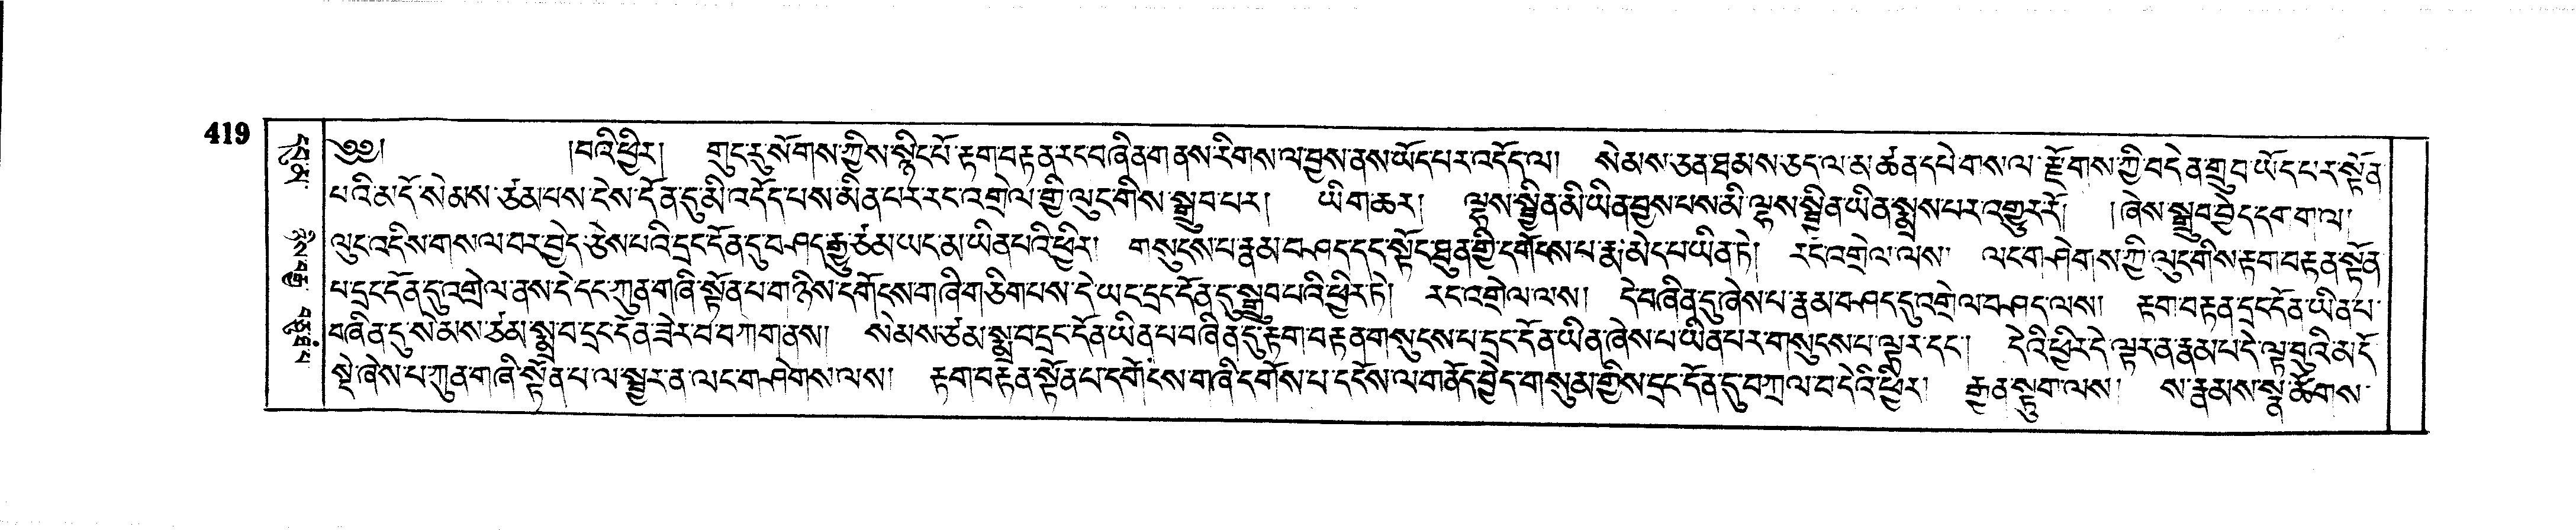༄༅། །བའི་ཕྱིར། གུང་རུ་སོགས་ཀྱིས་སྙིང་པོ་རྟག་བརྟན་རང་བཞིན་གནས་རིགས་ལ་བྱས་ནས་ཡོད་པར་འདོད་ལ། སེམས་ཅན་ཐམས་ཅད་ལ་མཚན་དཔེ་གསལ་རྫོགས་ཀྱི་བདེན་གྲུབ་ཡོད་པར་སྟོན་
པའི་མདོ་སེམས་ཙམ་པས་ངེས་དོན་དུ་མི་འདོད་པས་མིན་པར་རང་འགྲེལ་གྱི་ལུང་གིས་སྒྲུབ་པར། ཡིག་ཆར། ལྷས་སྦྱིན་མི་ཡིན་བྱས་པས་མི་ལྷས་སྦྱིན་ཡིན་སྨྲས་པར་འགྱུར་རོ། །ཞེས་སྒྲུབ་བྱེད་དགག་ལ།
ལུང་འདིས་གསལ་བར་བྱེད་ཅེས་པའི་དྲང་དོན་དུ་བཤད་རྒྱུ་ཙམ་ཡང་མ་ཡིན་པའི་ཕྱིར། གསུངས་པ་རྣམ་བཤད་དང་སྟོང་ཐུན་གྱི་དགོངས་པ་རྨ་མེད་པ་ཡིན་ཏེ། རང་འགྲེལ་ལས། ལང་གཤེགས་ཀྱི་ལུང་གིས་རྟག་བརྟན་སྟོན་
པ་དྲང་དོན་དུ་འགྲེལ་ནས་དེ་དང་ཀུན་གཞི་སྟོན་པ་གཉིས་དགོངས་གཞི་གཅིག་པས་དེ་ཡང་དྲང་དོན་དུ་སྒྲུབ་པའི་ཕྱིར་ཏེ། རང་འགྲེལ་ལས། དེ་བཞིན་དུ་ཞེས་པ་རྣམ་བཤད་དུ་འགྲེལ་བཤད་ལས། རྟག་བརྟན་དྲང་དོན་ཡིན་པ་
བཞིན་དུ་སེམས་ཙམ་སྨྲ་བ་དྲང་དོན་ཟེར་བ་བཀག་ནས། སེམས་ཙམ་སྨྲ་བ་དྲང་དོན་ཡིན་པ་བཞིན་དུ་རྟག་བརྟན་གསུངས་པ་དྲང་དོན་ཡིན་ཞེས་པ་ཡིན་པར་གསུངས་པ་ལྟར་དང་། དེའི་ཕྱིར་དེ་ལྟར་ན་རྣམ་པ་དེ་ལྟ་བུའི་མདོ་
སྡེ་ཞེས་པ་ཀུན་གཞི་སྟོན་པ་ལ་སྦྱར་ན་ལང་གཤེགས་ལས། རྟག་བརྟན་སྟོན་པ་དགོངས་གཞི་དགོས་པ་དངོས་ལ་གནོད་བྱེད་གསུམ་གྱིས་དྲང་དོན་དུ་བཀྲལ་བ་དེའི་ཕྱིར། རྒྱན་སྟུག་ལས། ས་རྣམས་སྣ་ཚོགས་